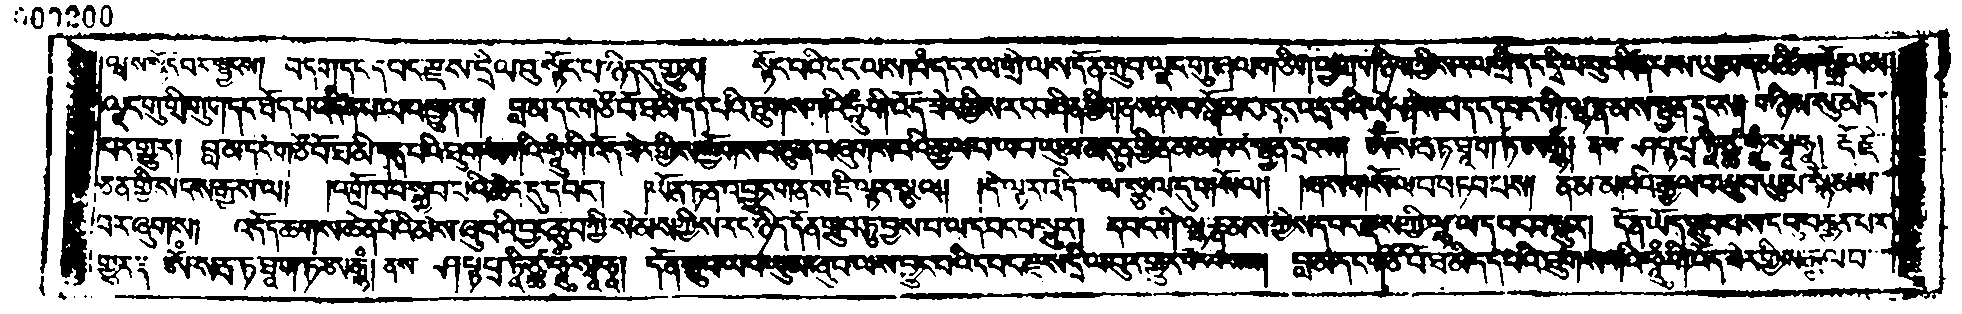ཝས་སྟོང་བར་སྦྱངས། བདག་དང་དབང་རྫས་དྲིལ་བུ་སྟོང་པ་ཉིད་དུ་གྱུར། སྟོང་པའི་ངང་ལས་ཁཾ་དང་རལ་གྲི་ལས་དོན་གྲུབ་ལྗང་གུ་ཞལ་གཅིག་ཕྱག་གཉིས་ཀྱིས་རལ་གྲི་དང་དྲིལ་བུ་འཛིན་པས་ཡུམ་དམ་ཚིག་སྒྲོལ་མ་
ལྗང་གུ་གྲི་གུག་དང་ཐོད་པ་འཛིན་པ་ལ་འཁྱུད་པ། བླ་མ་དང་གཙོ་བོ་ཐ་མི་དད་པའི་ཐུགས་ཀའི་ཧཱུཾ་གི་འོད་ཟེར་གྱིས་རང་བཞིན་གྱི་གནས་ནས་བསྒོམ་པ་དང་འདྲ་བའི་ཡེ་ཤེས་པ་དང་དབང་གི་ལྷ་རྣམས་སྤྱན་དྲངས། གཉིས་སུ་མེད་
པར་གྱུར། བླ་མ་དང་གཙོ་བོ་ཐ་མི་དད་པའི་ཐུགས་ཀའི་ཧཱུཾ་གི་འོད་ཟེར་གྱིས་ཕྱོགས་བཅུ་ན་བཞུགས་པའི་རྒྱལ་བ་ཡབ་ཡུམ་མདུན་གྱི་ནམ་མཁར་སྤྱན་དྲངས། ཨོཾ་སརྦ་ཏ་ཐཱ་ག་ཏ་ཨརྒྷཾ། ནས་ཤཔྟ་པྲ་ཏཱི་ཙྪ་ཧཱུཾ་སྭཱཧཱ། རྡོ་རྗེ་
ཅན་གྱི་སངས་རྒྱས་ལ། །འགྲོ་བ་བསྐྱབ་པའི་ཆེད་དུ་དབང་། །ཡོན་ཏན་འབྱུང་གནས་ཇི་ལྟར་སྩལ། །དེ་ལྟར་འདི་ལ་སྩལ་དུ་གསོལ། །ཞེས་གསོལ་བ་བཏབ་པས། ནམ་མཁའི་རྒྱལ་བ་ཡུབ་ཡུམ་སྙོམས་
བར་ཞུགས། འདོད་ཆགས་ཆེན་པོའི་མེས་ཞུ་བའི་བྱང་ཆུབ་ཀྱི་སེམས་ཀྱིས་རང་ཉིད་དོན་གྲུབ་ཏུ་བྱས་པ་ལ་དབང་བསྐུར། དབང་གི་ལྷ་རྣམས་ཀྱིས་དབང་རྫས་ཀྱི་ལྷ་ལ་དབང་བསྐུར། དོན་ཡོད་གྲུབ་པས་དབུ་བརྒྱན་པར་
གྱུར། ཨོཾ་སརྦ་ཏ་ཐཱ་ག་ཏ་ཨརྒྷཾ། ནས་ཤཔྟ་པྲ་ཏཱི་ཙྪ་ཧཱུཾ་སྭཱཧཱ། དོན་གྲུབ་ཡབ་ཡུམ་ཞུ་བ་ལས་བྱུང་བའི་དབང་རྫས་དྲིལ་བུར་གྱུར་བར་བསམ། བླ་མ་དང་གཙོ་བོ་ཐ་མི་དད་པའི་ཐུགས་ཀའི་ཧཱུཾ་གི་འོད་ཟེར་གྱིས་རྒྱལ་བ་